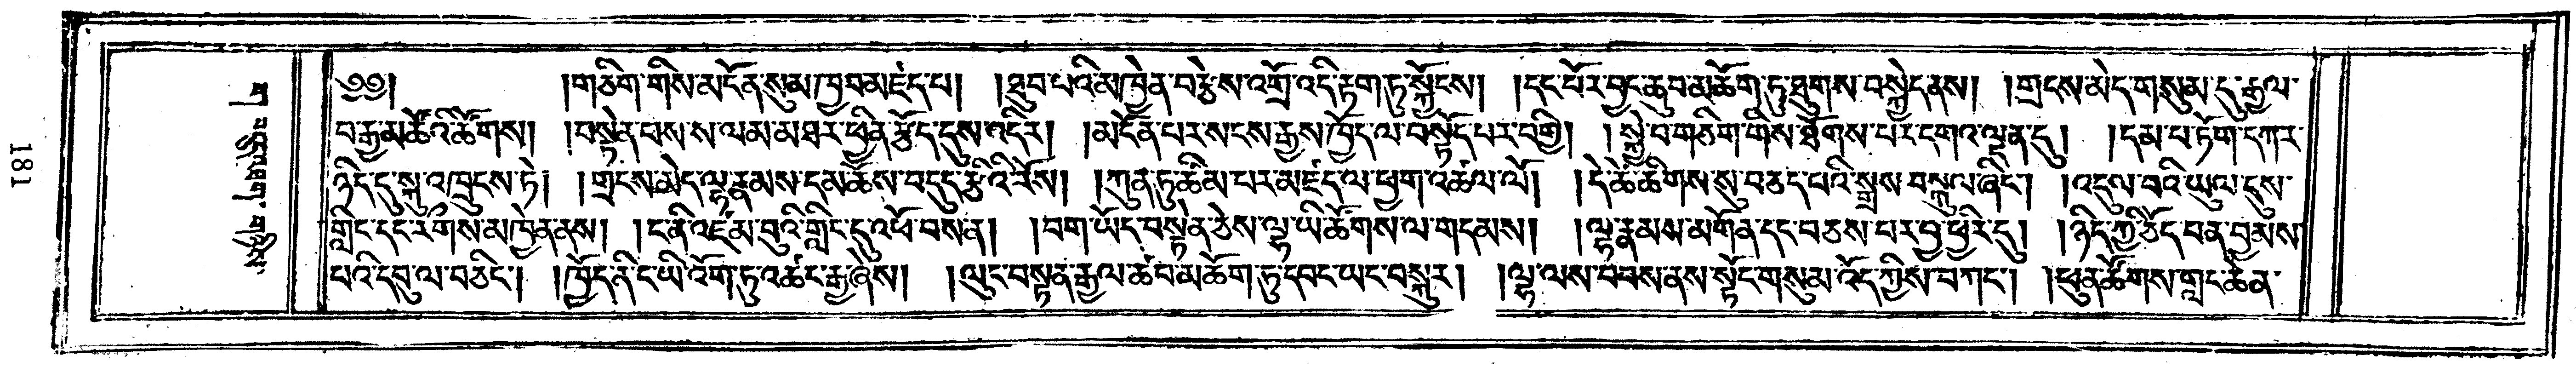༄༅། །གཅིག་གིས་མངོན་སུམ་ཁྱབ་མཛད་པ། །ཐུབ་པའི་མཁྱེན་བརྩེས་འགྲོ་འདི་རྟག་ཏུ་སྐྱོངས། །དང་པོར་བྱང་ཆུབ་མཆོག་ཏུ་ཐུགས་བསྐྱེད་ནས། །གྲངས་མེད་གསུམ་དུ་རྒྱལ་
བ་རྒྱ་མཚོའི་ཚོགས། །བསྟེན་པས་ས་ལམ་མཐར་ཕྱིན་རྩོད་དུས་འདིར། །མངོན་པར་སངས་རྒྱས་ཁྱོད་ལ་བསྟོད་པར་བགྱི། །སྐྱེ་བ་གཅིག་གིས་ཐོགས་པར་དགའ་ལྡན་དུ། །དམ་པ་ཏོག་དཀར་
ཉིད་དུ་སྐུ་འཁྲུངས་ཏེ། །གྲངས་མེད་ལྷ་རྣམས་དམ་ཆོས་བདུད་རྩིའི་རོས། །ཀུན་ཏུ་ཚིམ་པར་མཛད་ལ་ཕྱག་འཚལ་ལོ། །དེ་ཚེ་ཆིགས་སུ་བཅད་པའི་སྒྲས་བསྐུལ་ཞིང་། །འདུལ་བའི་ཡུལ་དུས་
གླིང་དང་རྀགས་མཁྱེན་ནས། །ང་ནི་འཛམ་བུའི་གླིང་དུ་འཕོ་བས་ན། །བག་ཡོད་བསྟེན་ཅེས་ལྷ་ཡི་ཚོགས་ལ་གདམས། །ལྷ་རྣམས་མགོན་དང་བཅས་པར་བྱ་ཕྱིར་དུ། །ཉིད་ཀྱི་ཅོད་པན་བྱམས་
པའི་དབུ་ལ་བཅིང་། །ཁྱོད་ནི་ང་ཡི་འོག་ཏུ་འཚང་རྒྱ་ཞེས། །ལུང་བསྟན་རྒྱལ་ཚབ་མཆོག་ཏུ་དབང་ཡང་བསྐུར། །ལྷ་ལས་བབས་ནས་སྟོང་གསུམ་འོད་ཀྱིས་བཀང་། །ཕུན་ཚོགས་གླང་ཆེན་